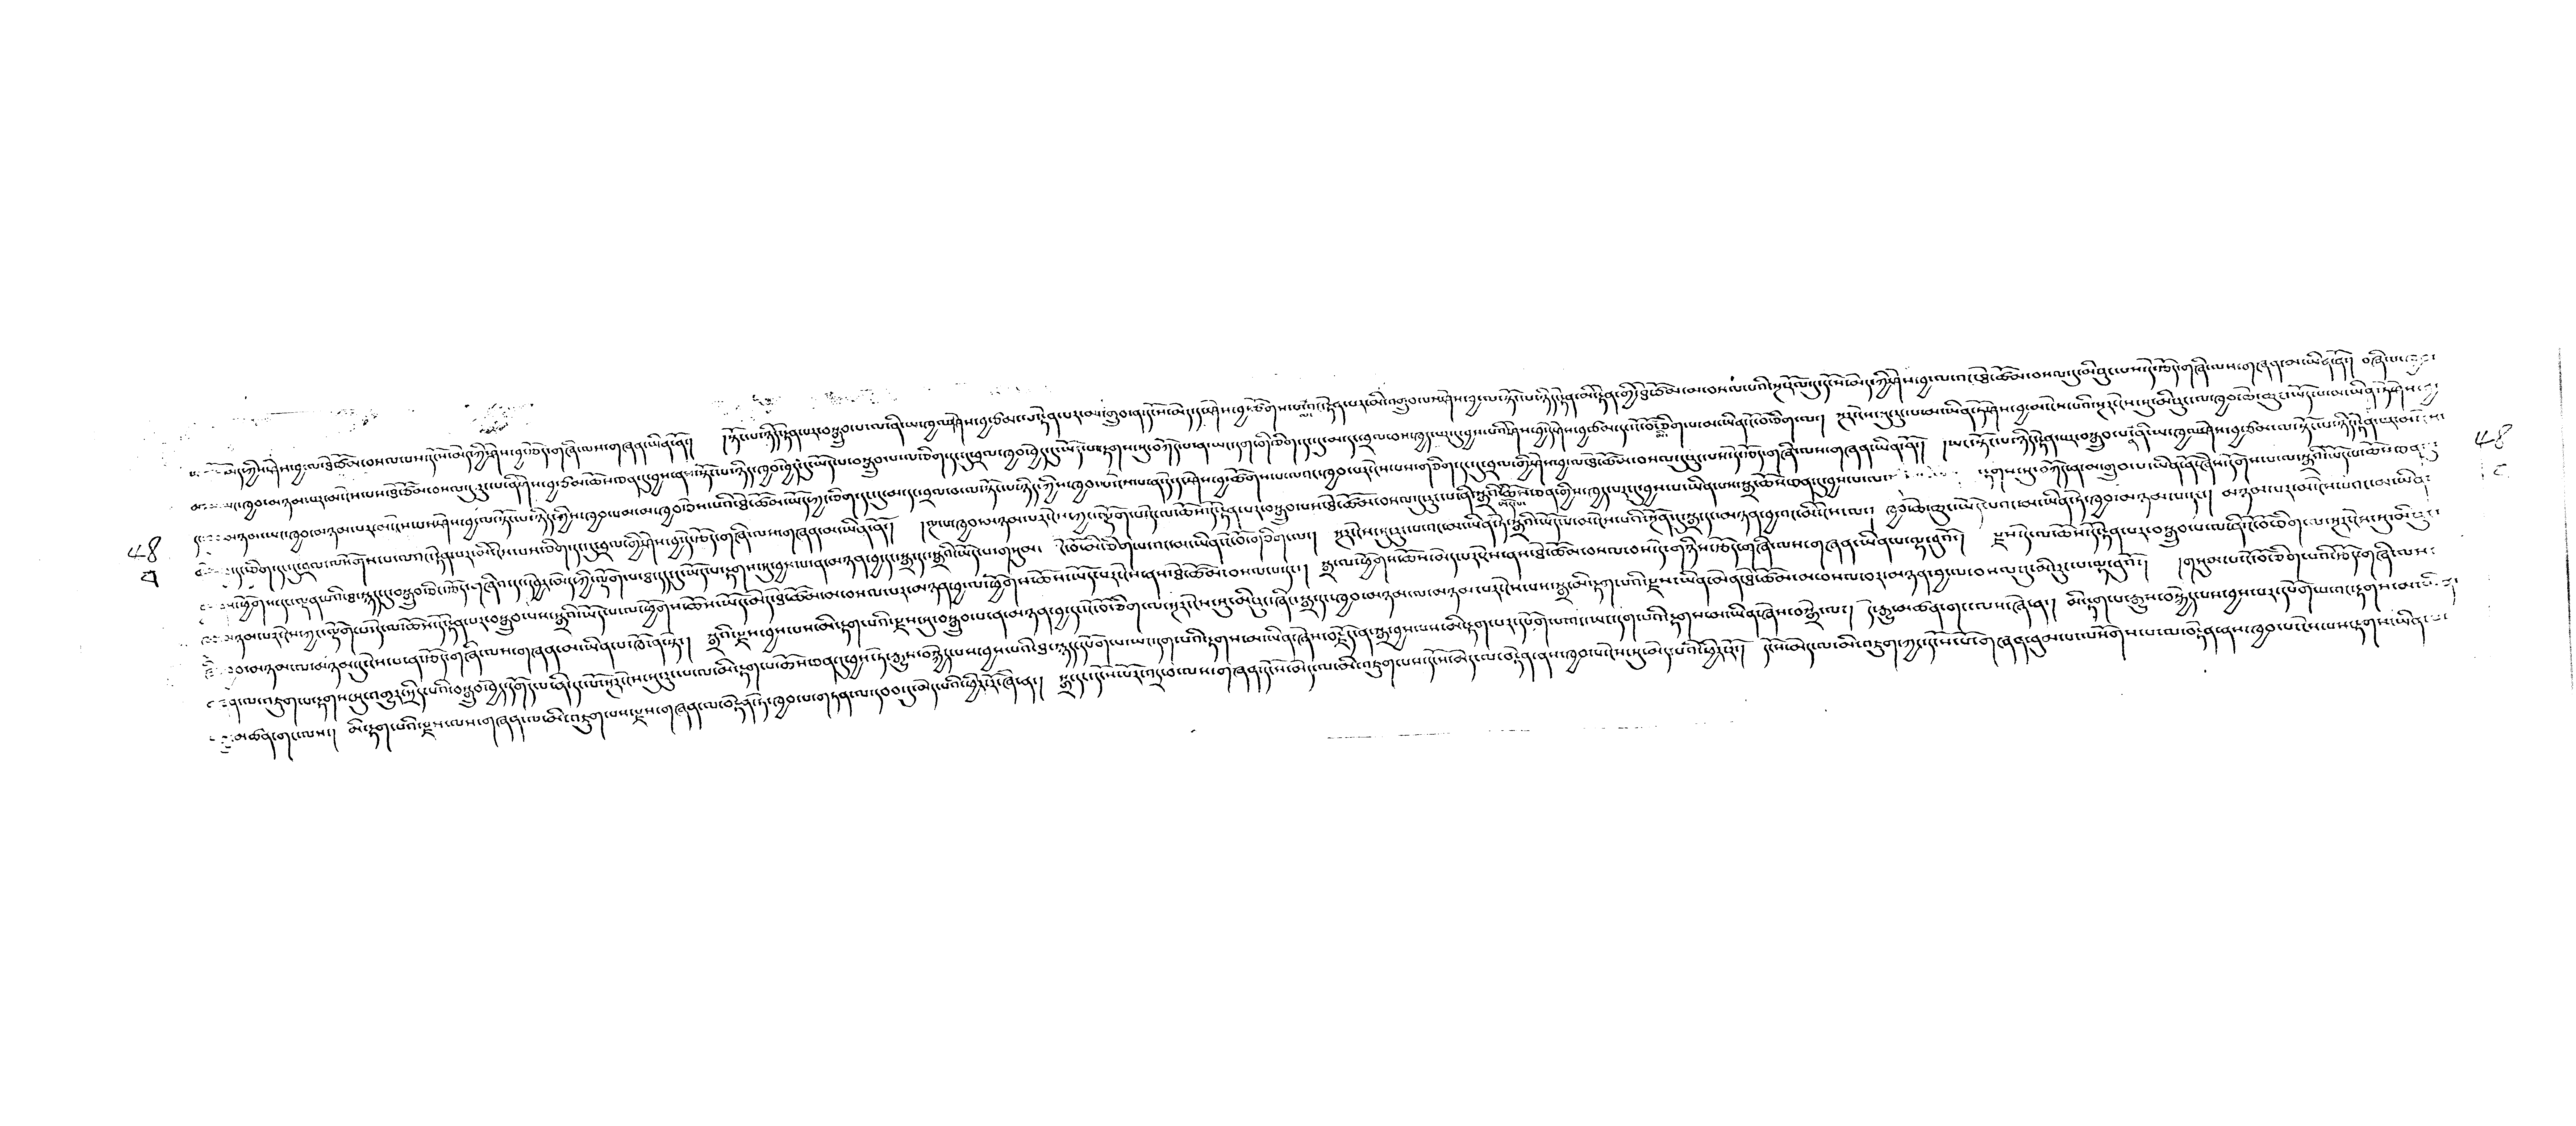??་མེད་ཀྱིས་ཤེས་བྱ་ལ་ཐེ་ཚོམ་བསལ་པས་དངོས་མེད་ཀྱི་ཤེས་བྱ་རྩོད་གཞི་ལས་གཞན་ཡིན་ནོ། །སྟོང་པ་ཉིད་རྟེན་པར་བསྒྲུབ་པ་ལ་ནི་ཡ་ཁྱལ་ཤེས་བྱ་ཙམ་ལ་རྟེན་པར་མ་གྲུབ་ན་དངོས་མེད་ད་ཤེས་བྱ་ཚོགས་པ་ལའང་རྟེན་པར་མི་འགྲུབ་པས་ཤེས་བྱ་ལ་སྟོང་པ་ཉིད་རྟེན་མི་རྟེན་གྱི་ཐེ་ཙོམ་མ་བསལ་པའི་སྔ་རོལ་དུ་དངོས་མེད་ཀྱི་ཤེས་བྱ་ལ་འང་ཐེ་ཚོམ་བསལ་དུ་མི་རུང་པས་དེ་རྩོད་གཞི་ལས་གཞན་མ་ཡིན་ནོ། བཞི་པ་ཁྱབ་
?་ཡང་ཁྱབ་མཉམ་པར་མ་ངེས་པས་ཐེ་ཙོམ་བསལ་དུ་རུང་པ་ནི་ཤེས་བྱ་ཙམ་ཆོས་ཅན་དུ་བྱས་ནས་སྟོང་པ་ཉིད་ཁྱབ་བྱེད་དུ་ཡོད་པ་བསྒྲུབ་པ་ལ་ཅིག་དང་དུ་བྲལ་ཁྱབ་བྱེད་དུ་ཡོད་པ་རྟགས་སུ་བཀོད་པ་ན་ཡང་དག་གི་ཅིག་དང་དུ་མ་དང་བྲལ་བས་ཁྱད་པར་དུ་བྱས་པའི་ཤེས་བྱ་དེ་ཤེས་བྱ་ཙམ་དང་ངོ་བོ་མི་ཅིག་པ་མ་ཡིན་ངོ་བོ་ཅིག་ལ། སྔར་ངེས་སུ་རུང་པ་མ་ཡིན་ཏེ་ཤེས་བྱ་མ་ངེས་པའི་སྔར་ངེས་སུ་མི་རུང་ལ་ཁྱབ་ཆེ་ཆུང་ཡོད་པ་མ་ཡིན་ཏེ་ཤེས་བྱ་
དང?་མཉམ་ཡང་ཁྱབ་མཉམ་པར་མ་ངེས་པས་ཤེས་བྱ་ལ་སྟོང་པ་ཉིད་ཀྱིས་ཁྱབ་པམ་མ་ཁྱབ་ཅེས་པའི་ཐེ་ཚོམ་ཡོད་ཀྱང་ཅིག་དང་དུ་མ་དང་བྲལ་བ་ལ་སྟོང་པ་ཉིད་ཀྱིས་ཁྱབ་པ་ངེས་པ་ན་དེ་དང་ཤེས་བྱ་ཚོགས་པ་ལའང་ཁྱབ་པར་ངེས་པས་གཅིག་དང་དུ་བྲལ་གྱི་ཤེས་བྱ་ལ་ཐེ་ཚོམ་བསལ་དུ་རུང་པས་དེ་རྩོད་གཞི་ལས་གཞན་ཡིན་ནོ། །ཡང་སྟོང་པ་ཉིད་རྟེན་པར་བསྒྲུབ་པ་ན་ནི་ཡ་ཁྱལ་ཤེས་བྱ་ཙམ་ལ་སྟོང་པ་ཉིད་རྟེན་པར་མ་ངེས་
བ?་?དང་ཅིག་དང་དུ་བྲལ་ལ་སོགས་པ་ལའང་རྟེན་པར་མི་ངེས་པས་ཅིག་དང་དུ་བྲལ་གྱི་ཤེས་བྱ་དེ་རྩོད་གཞི་ལས་གཞན་མ་ཡིན་ནོ། །ལྔ་པ་ཁྱབ་མཉམ་པར་ངེས་ཀྱང་ལྡོག་པ་དེ་ལ་ཆོས་དེ་རྟེན་པར་བསྒྲུབ་པས་ཐེ་ཚོམ་བསལ་དུ་རུང་པ་ནི་སྒྲའི་ཆོས་ཅན་གྱིས་ཁྱད་པར་དུ་བྱས་པ་ཡིན་པས་སྒྲ་ཆོས་ཅན་དུ་བྱས་པ་ལ་??་རྟགས་སུ་བཀོད་ན་མ་གྲུབ་པ་ཡིན་ནོ་ཞེས་དོགས་པ་ལ་སྒྲའི་ཡོད་པ་ཆོས་ཅན་དུ་
བྱས་ནས་ཕྱོགས་དང་ལྡན་པའི་ཐ་སྙད་དུ་བསྒྲུབ་ཅིང་རྩོད་གཞིའ་དང་དབྱེར་མེད་ཀྱི་ལྡོག་པ་ཐ་དད་དུ་ཡོད་པ་རྟག་སུ་བྱས་པ་ན་མཉན་བྱ་དང་སྒྲ་དང་སྒྲའི་ཡོད་པ་གསུམ་ངོ་བོ་མི་ཅིག་པ་འང་མ་ཡིན་ངོ་བོ་གཅིག་ལ། སྔར་ངེས་སུ་རུང་པ་འང་མ་ཡིན་ཏེ་སྒྲའི་ཡོད་པ་མ་ངེས་པའི་སྔོན་དུ་སྒྲ་དང་མཉན་བྱ་འང་མི་ངེས་ལ། ཁྱབ་ཆེ་ཆུང་ཡོད་པའང་མ་ཡིན་ཏེ་ཁྱབ་མཉམ་པ་དང་། མཉམ་པར་མ་ངེས་པའང་མ་ཡིན་
?་མཉམ་པར་ངེས་ཀྱང་ལྡོག་པ་དེ་མ་ཆོས་དེ་རྟེན་པར་བསྒྲུབ་པས་སྒྲའི་ཡོད་པ་ལ་ཕྱོགས་ཆོས་ཡོད་མེད་ཐེ་ཚོམ་མ་བསལ་པར་མཉན་བྱ་ལ་ཕྱོགས་ཆོས་ཡོད་པར་ངེས་ནས་ཐེ་ཚོམ་བསལ་པ་དང་། སྒྲ་ལ་ཕྱོགས་ཆོས་མེད་པར་ངེས་ནས་ཐེ་ཚོམ་བསལ་བས་དེ་གཉིས་རྩོད་གཞི་ལས་གཞན་ཡིན་པ་ལྟ་བུའོ། རྫས་དེ་ལ་ཆོས་དེ་རྟེན་པར་བསྒྲུབ་པ་ལ་ནི་ངོ་བོ་ཅིག་ལ་སྔར་ངེས་སུ་མི་རུང་
ཞི?་ཁྱབ་མཉམ་ལ་མཉམ་དུ་ངེས་པ་ན་རྩོད་གཞི་ལས་གཞན་མ་ཡིན་པ་ཁོ་ན་སྟེ། སྒྲའི་རྫས་བྱས་པས་མི་རྟག་པའི་རྫས་སུ་བསྒྲུབ་པ་ན་མཉན་བྱ་དངོས་པོ་ཅིག་ལ་སྔར་ངེས་སུ་མི་རུང་ཞིང་སྒྲ་དང་ཁྱབ་མཉམ་ལ་མཉམ་པར་ངེས་པས་སྒྲ་མི་རྟག་པའི་རྫས་ཡིན་མེན་ཐེ་ཚོམ་མ་བསལ་བར་མཉན་བྱ་ལ་བསལ་དུ་མི་རུང་པ་ལྟ་བུའོ། །གསུམ་པ་ངོ་བོ་ཅིག་པའི་རྩོད་གཞི་ལས་
?་ལ་འཇུག་པ་རྟགས་སུ་འགྱུར་སྲིད་པའི་བསྒྲུབ་བྱེད་དགོད་པ་ནི་དང་པོ་སྔར་ངེས་སུ་རུང་པ་ལ་མི་རྟག་པ་ཆོས་ཅན་དུ་བྱས་ཏེ་རྒྱུས་བསྐྱེད་པས་བྱས་པའི་ཐ་སྙད་དཔོག་པ་ཡང་དག་པའི་རྟགས་མ་ཡིན་ཞེས་བརྗོད་ན་སྒྲ་བྱས་པས་མི་རྟག་པར་དཔོག་པ་འང་ཡང་དག་པའི་རྟགས་མ་ཡིན་ཞེས་བསྒྲེ་ལ། དེ་རྒྱུ་མཚན་གང་ལས་ཞེ་ན། མི་རྟག་པ་རྒྱུས་བསྐྱེད་པས་བྱས་པར་དཔོག་པ་འང་རྟགས་མ་ཡིན་
པ་རྒྱུ་མཚན་གང་ལས། མི་རྟག་པའི་རྫས་ལས་གཞན་ལ་མི་འཇུག་པས་རྫས་གཞན་ལ་བརྟེན་ཏེ་ཁྱབ་པ་གཏན་ལ་དབབ་དུ་མེད་པའི་ཕྱིར་རོ་ཞེ་ན། སྒྲ་དང་དངོས་པོར་འདྲ་བ་ལས་གཞན་དངོས་མེད་ལ་མི་འཇུག་པས་དངོས་མེད་ལ་བརྟེན་ནས་ཁྱབ་པ་ངེས་སུ་མེད་པའི་ཕྱིར་རོ། དངོས་མེད་ལ་མི་འཇུག་ཀྱང་དངོས་པོ་གཞན་བུམ་པ་ལ་སོགས་པ་ལ་བརྟེན་ནས་ཁྱབ་པ་ངེས་པས་རྟགས་ཡིན་པ་